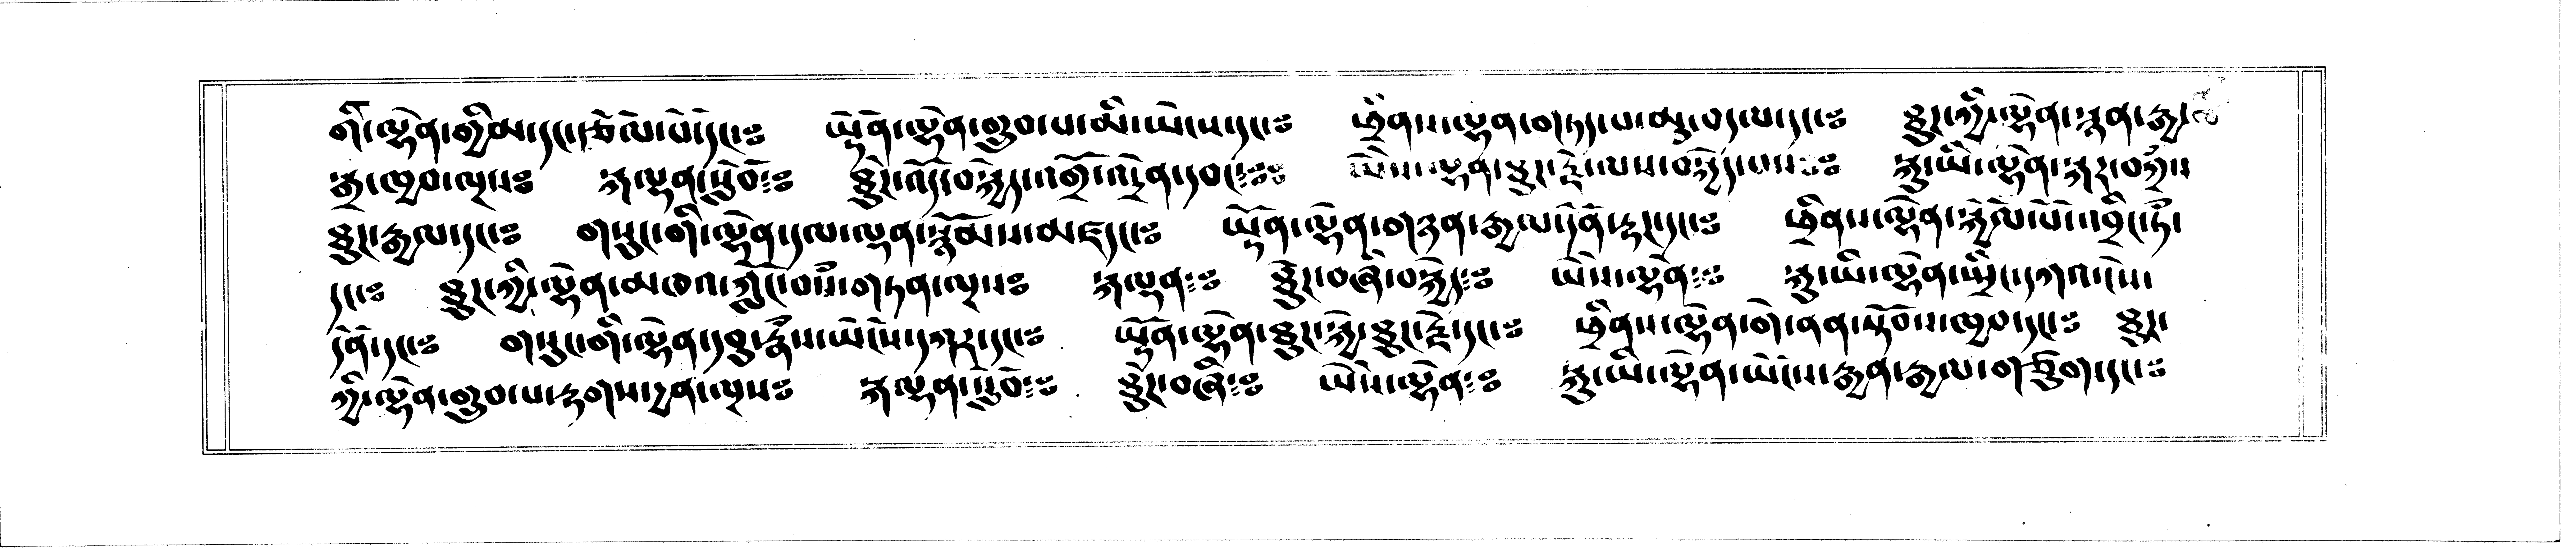གི་ལྷ་ཆེན་གྱིམ་དང་རྩོལ་པོ་དངཿ ཡོན་ཏན་གྱི་ལྷ་ཆེན་གྲུབ་པ་མི་ཡེངས་དངཿ ཕྲིན་ལས་ཀྱི་ལྷ་ཆེན་གཏད་པ་མུ་བདལ་དངཿ ཐུགས་ཀྱི་ལྷ་ཆེན་སྙན་རྒྱ་
སྒྲར་ཁྱབ་ལྔསཿ སྐལ་ལྡན་སློབ་མ་རྣམས་ལ་དབང་བསྐུར་བསཿ ཐུགས་རྗེ་བཞི་བསྐྱེད་འགྲོ་འདྲེན་དབང་ཐོབ་ཤོགཿ ཡེ་ཤེས་ལྷ་ཆེན་ཐུགས་རྗེ་ལས་བྱུང་བའིཿ སྐུ་ཡི་ལྷ་ཆེན་སྐར་བཀྲམ་
ཐུགས་རྒྱལ་དངཿ གསུང་གི་ལྷ་ཆེན་དལ་ལྡན་སྙོམས་མཛད་དངཿ ཡོན་ཏན་ལྷ་ཆེན་གཉན་རྒྱལ་དོན་རྟགས་དངཿ ཕྲིན་ལས་ལྷ་ཆེན་སྐྱོལ་པོ་འབྲིང་ཏམ་
དངཿ ཐུགས་ཀྱི་ལྷ་ཆེན་མཁའ་ཀློང་བསམ་གཏན་ལྔསཿ སྐལ་ལྡན་སློབ་མ་རྣམས་ལ་དབང་བསྐུར་བསཿ ཐུགས་རྗེ་བཞི་བསྐྱེད་འགྲོ་འདྲེན་དབང་ཐོབ་ཤོགཿ ཡེ་ཤེས་ལྷ་ཆེན་ཐུགས་རྗེ་ལས་བྱུང་བའིཿ སྐུ་ཡི་ལྷ་ཆེན་སྤྲིང་དཀའ་ངེས་
དོན་དངཿ གསུང་གི་ལྷ་ཆེན་དབུ་རྣམས་ཡོངས་དཀར་དངཿ ཡོན་ཏན་ལྷ་ཆེན་ཐང་སྐྱེད་ཐུགས་རྗེ་དངཿ ཕྲིན་ལས་ལྷ་ཆེན་གེ་ནན་སྟོབས་ཁྱབ་དངཿ ཐུགས་
ཀྱི་ལྷ་ཆེན་གྲུབ་པ་རྟགས་བརྒྱན་ལྔསཿ སྐལ་ལྡན་སློབ་མ་རྣམས་ལ་དབང་བསྐུར་བསཿ ཐུགས་རྗེ་བཞི་བསྐྱེད་འགྲོ་འདྲེན་དབང་ཐོབ་ཤོགཿ ཡེ་ཤེས་ལྷ་ཆེན་ཐུགས་རྗེ་ལས་བྱུང་བའིཿ སྐུ་ཡི་ལྷ་ཆེན་ཡོངས་རྒྱན་རྒྱལ་གཙུག་དངཿ